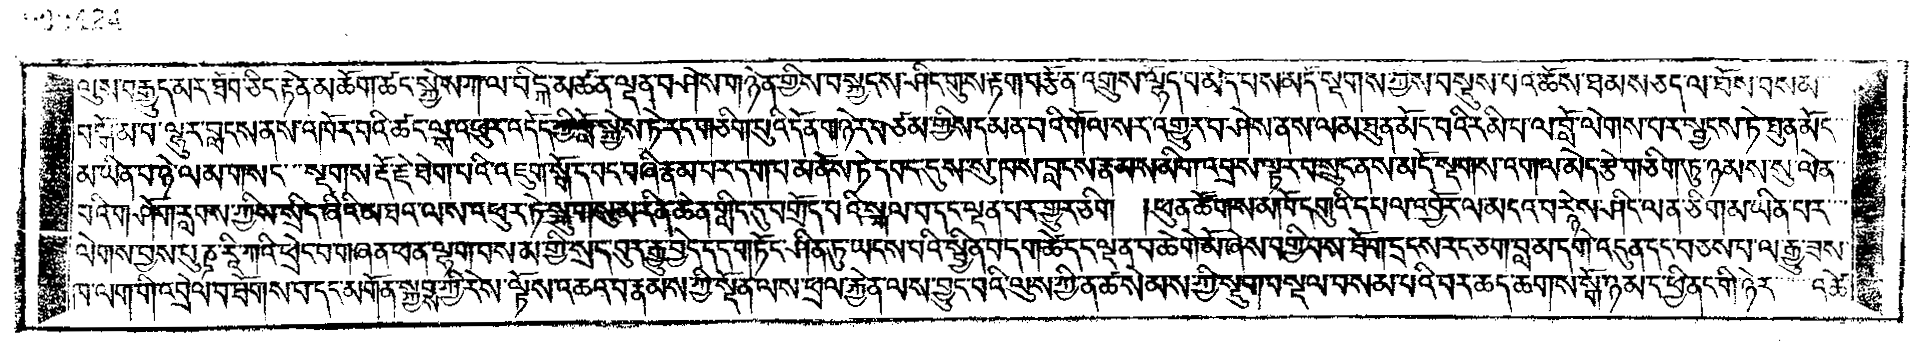ལུས་བརྒྱུད་མར་ཐོབ་ཅིང་རྟེན་མཆོག་ཚང་སྐྱེས་ཀ་ལ་བིངྐ་མཚན་ལྡན་བཤེས་གཉེན་གྱིས་བསྐྱངས་ཤིང་གུས་རྟག་བརྩོན་འགྲུས་ལྷོད་པ་མེད་པས་མདོ་སྔགས་ཀྱིས་བསྡུས་པའི་ཆོས་ཐམས་ཅད་ལ་ཐོས་བསམ་
བསྒོམ་པ་ལྷུར་བླངས་ནས་འཁོར་བའི་ཚང་ལས་འཕུར་འདོད་ཀྱི་བློ་སྐྱེས་ཏེ་རང་གཅིག་པུའི་དོན་གཉེར་པ་ཙམ་གྱིས་དམན་པའི་གོལ་སར་འགྱུར་བ་ཤེས་ནས་ལམ་ཐུན་མོང་བའི་རིམ་པ་ལ་བློ་ལེགས་པར་སྦྱངས་ཏེ་ཐུན་མོང་
མ་ཡིན་པ་ཉེ་ལམ་གསང་སྔགས་རྡོ་རྗེ་ཐེག་པའི་འཇུག་སྒོ་དབང་བཞི་རྣམ་པར་དག་པ་མནོས་ཏེ་དབང་དུས་སུ་ཁས་བླངས་རྣམས་མིག་འབྲས་ལྟར་བསྲུང་ནས་མདོ་སྔགས་འགལ་མེད་རྩེ་གཅིག་ཏུ་ཉམས་སུ་ལེན་
པའི་གཤོག་རླབས་ཀྱིས་སྲིད་ཞིའི་མཐའ་ལས་འཕུར་ཏེ་སྐུ་གསུམ་རིན་ཆེན་གླིང་དུ་བགྲོད་པའི་སྐལ་བ་དང་ལྡན་པར་གྱུར་ཅིག །ཕུན་ཚོགས་མཁོ་དགུའི་དཔལ་འབྱོར་ལ་མངའ་བརྙེས་ཤིང་ལན་ཅིག་མ་ཡིན་པར་
ལེགས་བྱས་པུཎྜ་རཱི་ཀའི་ཕྲེང་བ་གཞན་ཕན་ལྷག་བསམ་གྱི་སྲད་བུར་རྒྱུ་བྱེད་དད་གཏོང་ཤིན་ཏུ་ཡངས་པའི་སྦྱིན་བདག་ཚེ་དང་ལྡན་པ་ཆེ་གེ་མོ་ཞེས་བགྱི་བས་ཐོག་དྲངས་རང་ཅག་བླ་མ་དགེ་འདུན་དང་བཅས་པ་ལ་རྒྱུ་ཟས་
ཁ་ལག་གི་འབྲེལ་བ་ཐོགས་པ་དང་མགོན་སྐྱབས་ཀྱི་རེས་ལྟོས་འཆའ་བ་རྣམས་ཀྱི་སྔོན་ལས་ཕྲལ་རྐྱེན་ལས་བྱུང་བའི་ལུས་ཀྱི་ན་ཚ་སེམས་ཀྱི་སྡུག་བསྔལ་བསམ་པའི་བར་ཆད་ཆགས་སྒོ་ཉམ་ང་ཕྱི་ནང་གི་ཉེར་འཚེ་